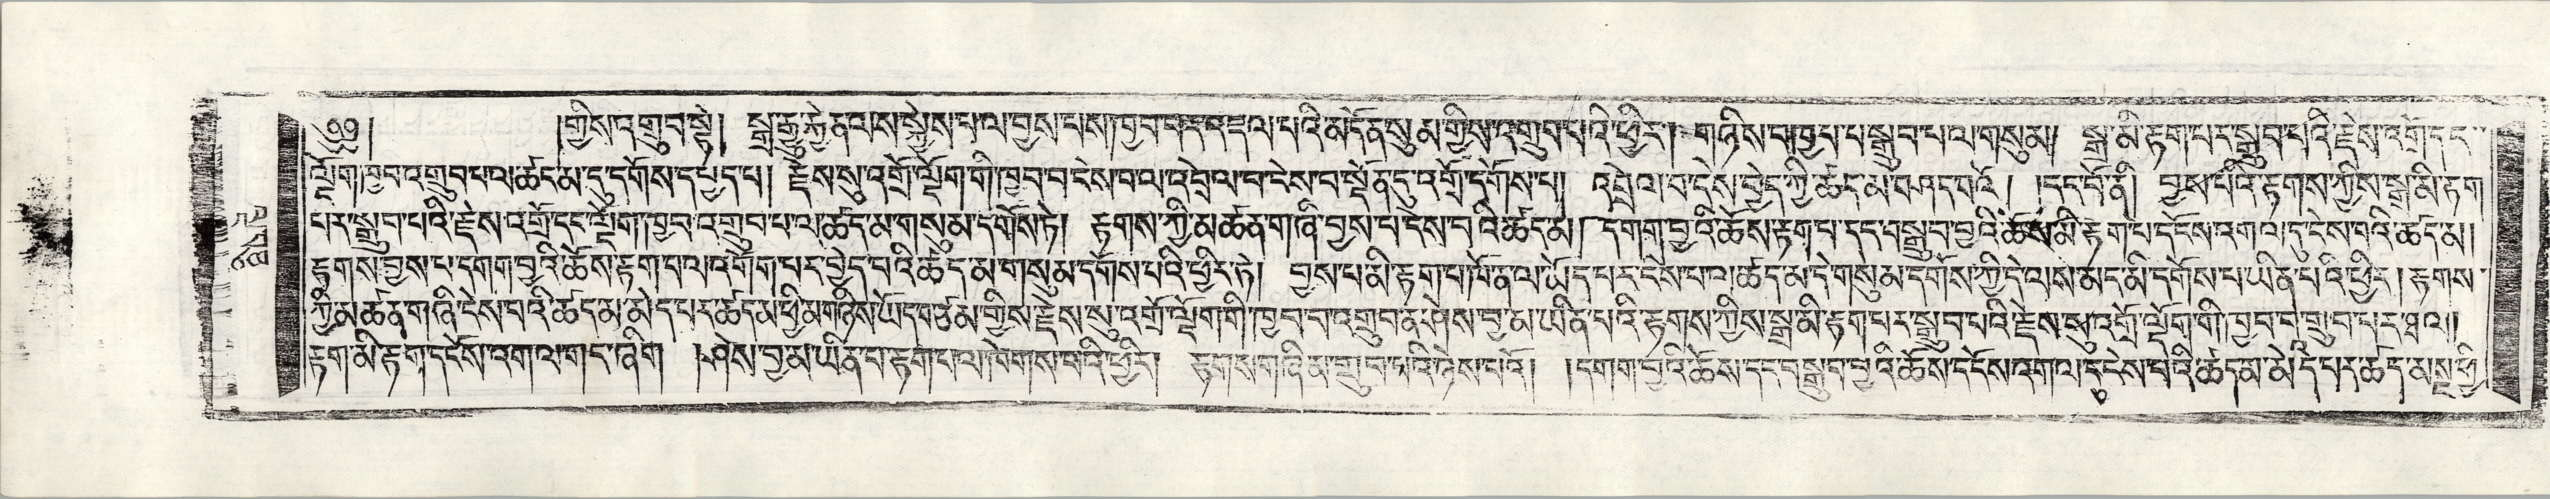༄༅། །གྱིས་འགྲུབ་སྟེ། སྒྲ་རྒྱུ་རྐྱེན་ལས་སྐྱེས་པ་ལ་བྱས་པས་ཁྱབ་པར་འཇལ་པའི་མངོན་སུམ་གྱིས་འགྲུབ་པའི་ཕྱིར། གཉིས་པ་ཁྱབ་པ་སྒྲུབ་པ་ལ་གསུམ། སྒྲ་མི་རྟག་པར་སྒྲུབ་པའི་རྗེས་གྲོ་དང་
ལྡོག་ཁྱབ་འགྲུབ་པ་ལ་ཚད་མ་དུ་དགོས་དཔྱད་པ། རྗེས་སུ་འགྲོ་ལྡོག་གི་ཁྱབ་པ་ངེས་པ་ལ་འབྲེལ་བ་ངེས་པ་སྔོན་དུ་འགྲོ་དགོས་པ། འབྲེལ་བ་ངེས་བྱེད་ཀྱི་ཚད་མ་བཤད་པའོ། །དང་བོ་ནི། བྱས་པའི་རྟགས་ཀྱིས་སྒྲ་མི་རྟག་
པར་སྒྲུབ་པའི་རྗེས་འགྲོ་དང་ལྡོག་ཁྱབ་འགྲུབ་པ་ལ་ཚད་མ་གསུམ་དགོས་ཏེ། རྟགས་ཀྱི་མཚན་གཞི་བྱས་པ་ངེས་པའི་ཚད་མ། དགག་བྱའི་ཆོས་རྟག་པ་དང་བསྒྲུབ་བྱའི་ཆོས་མི་རྟག་པ་དངོས་འགལ་དུ་ངེས་པའི་ཚད་མ།
རྟགས་བྱས་པ་དགག་བྱའི་ཆོས་རྟག་པ་ལ་འགོག་པར་བྱེད་པའི་ཚད་མ་གསུམ་དགོས་པའི་ཕྱིར་ཏེ། བྱས་པ་མི་རྟག་པ་ཁོ་ན་ལ་ཡོད་པར་ངེས་པ་ལ་ཚད་མ་དེ་གསུམ་དགོས་ཀྱི་དེ་ལས་མང་མི་དགོས་པ་ཡིན་པའི་ཕྱིར། རྟགས་
ཀྱི་མཚན་གཞི་ངེས་པའི་ཚད་མ་མེད་པར་ཚད་མ་ཕྱི་མ་གཉིས་ཡོད་པ་ཙམ་གྱིས་རྗེས་སུ་འགྲོ་ལྡོག་གི་ཁྱབ་པ་འགྲུབ་ན་ཤེས་བྱ་མ་ཡིན་པའི་རྟགས་ཀྱིས་སྒྲ་མི་རྟག་པར་སྒྲུབ་པའི་རྗེས་སུ་འགྲོ་ལྡོག་གི་ཁྱབ་པ་གྲུབ་པར་ཐལ།
རྟག་མི་རྟག་དངོས་འགལ་གང་ཞིག །ཤེས་བྱ་མ་ཡིན་པ་རྟག་པ་ལ་ཁེགས་པའི་ཕྱིར། རྟགས་གཞི་མ་གྲུབ་པའི་ཉེས་པའོ། །དགག་བྱའི་ཆོས་དང་བསྒྲུབ་བྱའི་ཆོས་དངོས་འགལ་དུ་ངེས་པའི་ཚད་མ་མེད་པར་ཚད་མ་སྔ་ཕྱི་